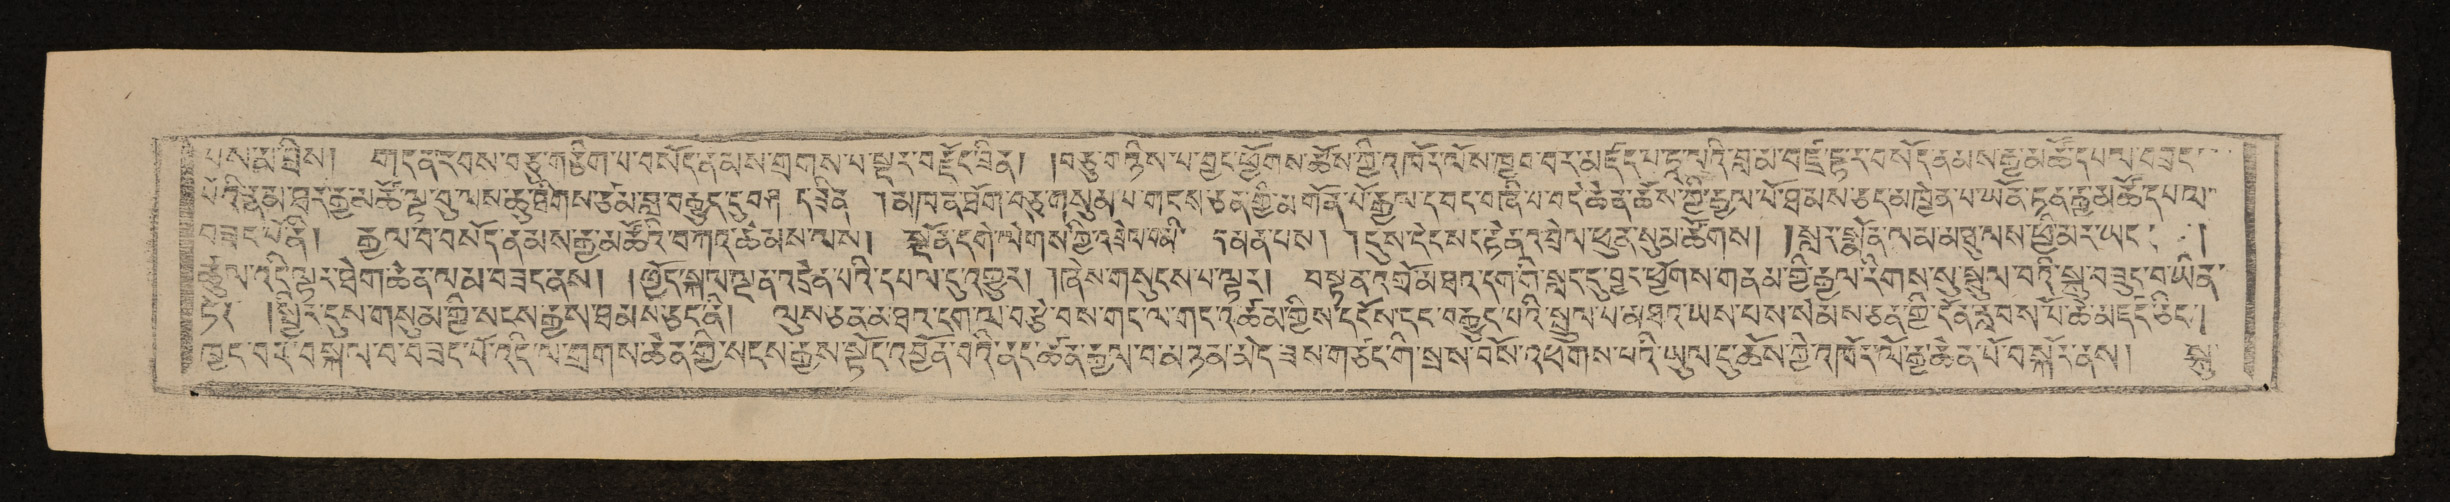པས་མ་བྲིས། གདན་རབས་བཅུ་གཅིག་པ་བསོད་ནམས་གྲགས་པ་སྔར་བརྗོད་ཟིན། བཅུ་གཉིས་པ་བྱང་ཕྱོགས་ཆོས་ཀྱི་འཁོར་ལོས་ཁྱབ་པར་མཛད་པ་ཏཱ་ལའི་བླ་མ་བཛྲ་དྷ་ར་བསོད་ནམས་རྒྱ་མཚོ་དཔལ་བཟང་
པོའི་རྣམ་ཐར་རྒྱ་མཚོ་ལྟ་བུ་ལས་ཆུ་ཐིགས་ཙམ་བླ་བརྒྱུད་དུ་བཤད་ཟིན། མཁན་ཐོག་བཅུ་གསུམ་པ་གངས་ཅན་གྱི་མགོན་པོ་རྒྱལ་དབང་བཞི་པ་བདེ་ཆེན་ཆོས་ཀྱི་རྒྱལ་པོ་ཐམས་ཅད་མཁྱེན་པ་ཡོན་ཏན་རྒྱ་མཚོ་དཔལ་
བཟང་པོ་ནི། རྒྱལ་བ་བསོད་ནམས་རྒྱ་མཚོའི་བཀའ་ཆེམས་ལས། སྔོན་དགེ་ལེགས་ཀྱི་འབྲེལ་བ་མི་དམན་པས། །དུས་དེང་སང་རྟེན་འབྲེལ་ཕུན་སུམ་ཚོགས། །སླར་སྨོན་ལམ་མཐུ་ལས་ཕྱི་མར་ཡང་། །
ཚུལ་འདི་ལྟར་ཐེག་ཆེན་ལམ་བཟང་ནས། །ཁྱོད་སྐལ་ལྡན་འདྲེན་པའི་དཔལ་དུ་འགྱུར། །ཞེས་གསུངས་པ་ལྟར། བསྟན་འགྲོ་མཐའ་དག་གི་སླད་དུ་བྱང་ཕྱོགས་གནམ་གྱི་རྒྱལ་རིགས་སུ་སྤྲུལ་པའི་སྐུ་བཟུང་བ་ཡིན་
ཏེ༑ སྤྱིར་དུས་གསུམ་གྱི་སངས་རྒྱས་ཐམས་ཅད་ནི། ལུས་ཅན་མཐའ་དག་ལ་བརྩེ་བས་གང་ལ་གང་འཚམ་གྱིས་དངོས་དང་བརྒྱུད་པའི་སྤྲུལ་པ་མཐའ་ཡས་པས་སེམས་ཅན་གྱི་དོན་རླབས་པོ་ཆེ་མཛད་ཅིང་།
ཁྱད་པར་བསྐལ་པ་བཟང་པོ་འདི་ལ་གྲགས་ཆེན་གྱི་སངས་རྒྱས་སྟོང་འབྱོན་པའི་ནང་ཚན་རྒྱལ་བ་མཉམ་མེད་ཟས་གཙང་གི་སྲས་པོས་འཕགས་པའི་ཡུལ་དུ་ཆོས་ཀྱི་འཁོར་ལོ་རྒྱ་ཆེན་པོ་བསྐོར་ནས། སྐུ་